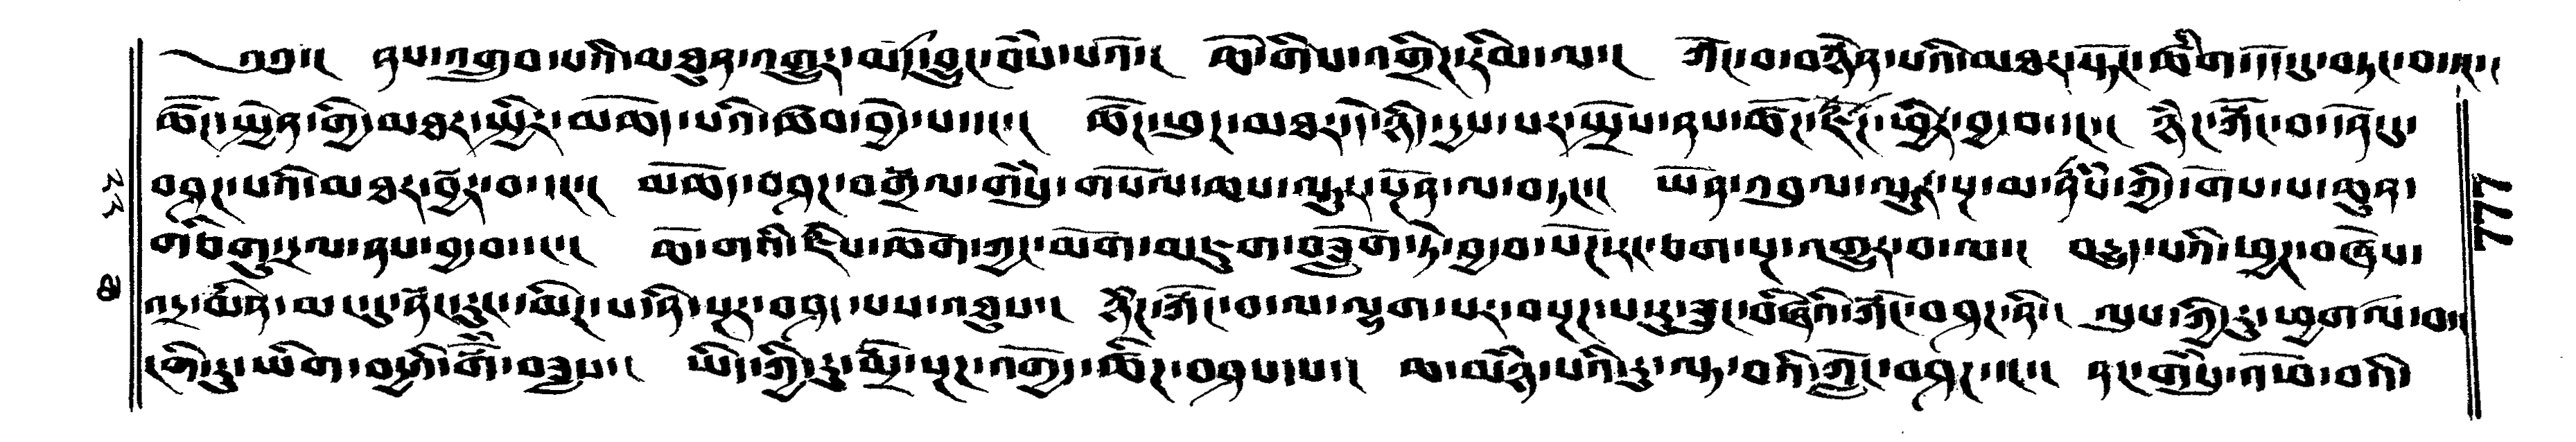ནས་འགྲུབ་པའི་མཐུན་འགྱུར་མཛད་བྱུང་བསམ་པའོ།ཆོ་གའི་འགྲིགས་རིམ་ལ། སྐོང་བ་བསྙེན་པའི་མཐར་སྟོང་ཚིག་དོད་དུ་བཏང་བ་དང་། 
ཚོགས་སྤྱན་འདྲེན་གྱི་མཐར་སྤྱིར་མཆོད་པའི་ཚབ་བྱེད་པ་དང་། ཚོགས་ཕུད་མཐར་དེ་ཉིད་རྒྱས་པར་སྤྲོས་ནས་ཚོགས་རྫོགས་ཕྱིར་བྱ་བ་དང་། ཉམ་ཆགས་སྐོང་བའི་དོན་དུ་
བཤགས་པའི་མཐར་སྦྱར་བ་དང་། མཆོད་བཤགས་བསྒྲལ་གསུམ་གསོལ་ཆས་ལྟ་བུར་སྔོན་ལ་བཏང་། ཡོན་འབུལ་ལྟ་བུར་སྔ་མ་རྣམས་ཀྱི་དགོས་པ་ཆུན་
གཅིག་ཏུ་དྲལ་ནས་བྱ་བ་དང་། ཆོ་གའི་རྗེས་ཆོག་ཀྱང་འགོ་མཇུག་བཟློག་ཏེ་བྱ་བ་སོགས་རང་ཅག་སྔ་འགྱུར་བ་ལ་བརྒྱུད་པའི་ཕྱག་བཞེས་
འདྲ་མིན་མང་དུ་སྣང་རུང་དམིགས་པ་ནི་སྔར་བཤད་པས་འཐུས། ཉམ་ཆགས་སྐོང་བ་ལ་ལྷག་པར་བསྔགས་པ་རུ་ཟུང་བཞིའི་སྐོང་བཤགས་ནི། ལུས་ཀྱི་རུ་ཕྱག་འཚལ་བ། 
ངག་གི་རུ་ཡིག་བརྒྱའི་སྒོམ་བཟླས། ཡིད་ཀྱི་རུ་སྨྲེ་སྔགས་འགྱོད་ཚིག་བཤགས་པ། ཆ་མཉམ་པའི་རུ་ལྟ་བའི་ཀློང་བཤགས་དང་། སྣང་གསུམ་འཕོ་བའི་